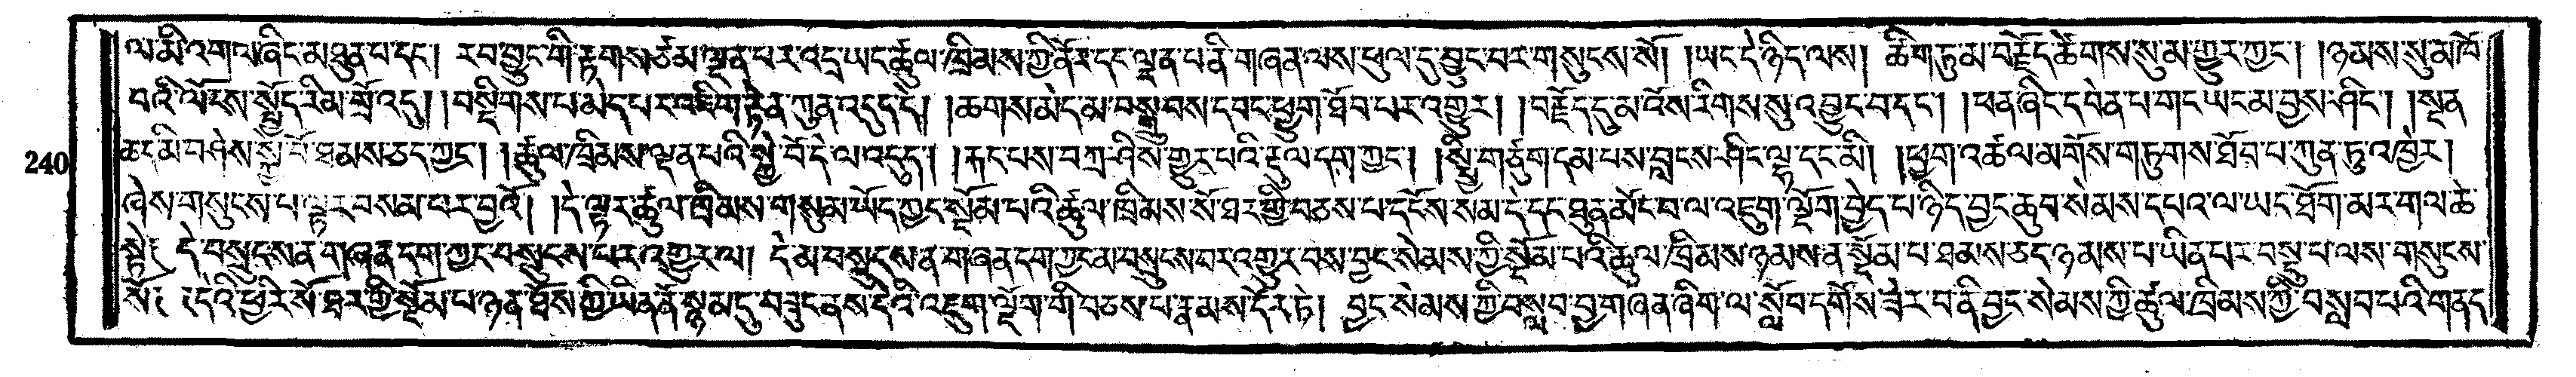ལ་མི་འགལ་ཞིང་མཐུན་པ་དང་། རབ་བྱུང་གི་རྟགས་ཙམ་ལྡན་པར་འདྲ་ཡང་ཚུལ་ཁྲིམས་ཀྱི་ནོར་དང་ལྡན་པ་ནི་གཞན་ལས་ཕུལ་དུ་བྱུང་བར་གསུངས་སོ། །ཡང་དེ་ཉིད་ལས། ཚིག་ཏུ་མ་བརྗོད་ཚེགས་སུ་མ་གྱུར་ཀྱང་། །ཉམས་སུ་མཁོ་
བའི་ལོངས་སྤྱོད་རིམ་གྲོ་འདུ། །བསྡིགས་པ་མེད་པར་འཇིག་རྟེན་ཀུན་འདུད་དེ། །ཆགས་མེད་མ་བསྒྲུབས་དབང་ཕྱུག་ཐོབ་པར་འགྱུར། །བརྗོད་དུ་མ་འོས་རིགས་སུ་འབྱུང་བ་དང་། །ཕན་ཞིང་དབེན་པ་གང་ཡང་མ་བྱས་ཤིང་། །སྔན་
ཆད་མི་བཤེས་སྐྱེ་བོ་ཐམས་ཅད་ཀྱང་། །ཚུལ་ཁྲིམས་ལྡན་པའི་སྐྱེ་བོ་དེ་ལ་འདུད། །རྐང་པས་བཀྲ་ཤིས་གྱུར་པའི་རྡུལ་དག་ཀྱང་། །སྤྱི་གཙུག་དམ་པས་བླངས་ཤིང་ལྷ་དང་མི། །ཕྱག་འཚལ་མགོས་གཏུགས་ཐོབ་པ་ཀུན་ཏུ་འཁྱེར།
ཞེས་གསུངས་པ་ལྟར་བསམ་པར་བྱའོ། །དེ་ལྟར་ཚུལ་ཁྲིམས་གསུམ་ཡོད་ཀྱང་སྡོམ་པའི་ཚུལ་ཁྲིམས་སོ་ཐར་གྱི་བཅས་པ་དངོས་སམ་དེ་དང་ཐུན་མོང་བ་ལ་འཇུག་ལྡོག་བྱེད་པ་ཉིད་བྱང་ཆུབ་སེམས་དཔའ་ལ་ཡང་ཐོག་མར་གལ་ཆེ་
སྟེ༑ དེ་བསྲུངས་ན་གཞན་དག་ཀྱང་བསྲུངས་པར་འགྱུར་ལ། དེ་མ་བསྲུངས་ན་གཞན་དག་ཀྱང་མ་བསྲུངས་བར་འགྱུར་བས་བྱང་སེམས་ཀྱི་སྡོམ་པའི་ཚུལ་ཁྲིམས་ཉམས་ན་སྡོམ་པ་ཐམས་ཅད་ཉམས་པ་ཡིན་པར་བསྡུ་པ་ལས་གསུངས་
སོ༑ ༑དེའི་ཕྱིར་སོ་ཐར་གྱི་སྡོམ་པ་ཉན་ཐོས་ཀྱི་ཡིན་ནོ་སྙམ་དུ་བཟུང་ནས་དེའི་འཇུག་ལྡོག་གི་བཅས་པ་རྣམས་དོར་ཏེ། བྱང་སེམས་ཀྱི་བསླབ་བྱ་གཞན་ཞིག་ལ་སློབ་དགོས་ཟེར་བ་ནི་བྱང་སེམས་ཀྱི་ཚུལ་ཁྲིམས་ཀྱི་བསླབ་པའི་གནད་